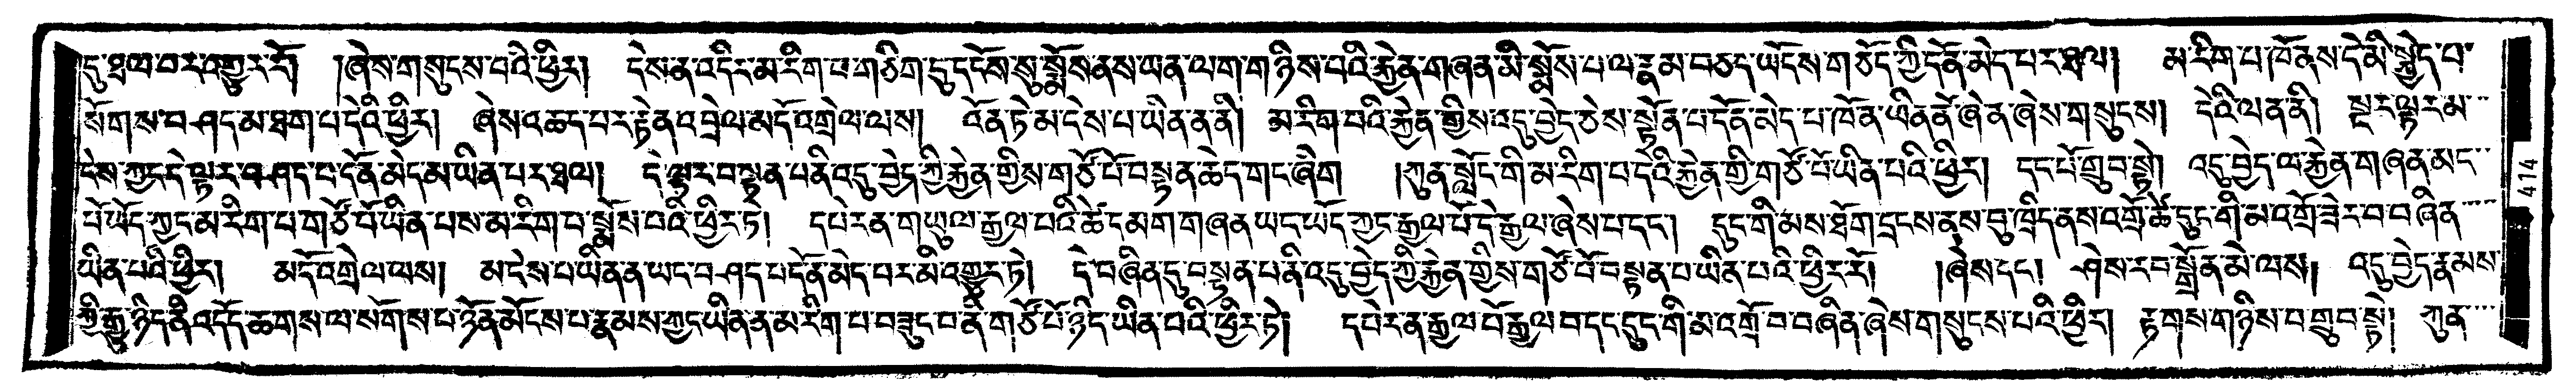དུ་ཐལ་བར་འགྱུར་རོ། །ཞེས་གསུངས་པའི་ཕྱིར། དེས་ན་འདིར་མ་རིག་པ་གཅིག་དུ་དངོས་སུ་སྨོས་ནས་ཡན་ལག་གཉིས་པའི་རྐྱེན་གཞན་མི་སྨོས་པ་ལ་རྣམ་བཅད་ཡོངས་གཅོད་ཀྱི་དོན་མེད་པར་ཐལ། མ་རིག་པ་ཁོ་ནས་དེ་མི་སྐྱེད་པ་
སོགས་བཤད་མ་ཐག་པ་དེའི་ཕྱིར། ཞེས་འཆད་པར་རྟེན་འབྲེལ་མདོ་འགྲེལ་ལས། འོན་ཏེ་མ་ངེས་པ་ཡིན་ན་ནི། མ་རིག་པའི་རྐྱེན་གྱིས་འདུ་བྱེད་ཅེས་སྟོན་པ་དོན་མེད་པ་ཁོ་ན་ཡིན་ནོ་ཞེན་ཞེས་གསུངས། དེའི་ལན་ནི། སྔར་ལྟར་མ་
ངེས་ཀྱང་དེ་ལྟར་བཤད་པ་དོན་མེད་མ་ཡིན་པར་ཐལ། དེ་ལྟར་བསྟན་པ་ནི་འདུ་བྱེད་ཀྱི་རྐྱེན་གྱིས་གཙོ་བོ་བསྟན་ཆེད་གང་ཞིག །ཀུན་སློང་གི་མ་རིག་པ་དེའི་རྐྱེན་གྱི་གཙོ་བོ་ཡིན་པའི་ཕྱིར། དང་པོ་གྲུབ་སྟེ། འདུ་བྱེད་ལ་རྐྱེན་གཞན་མང་
པོ་ཡོད་ཀྱང་མ་རིག་པ་གཙོ་བོ་ཡིན་པས་མ་རིག་པ་སྨོས་པའི་ཕྱིར་ཏེ། དཔེར་ན་གཡུལ་རྒྱལ་པའི་ཚེ་དམག་གཞན་ཡང་ཡོད་ཀྱང་རྒྱལ་པོ་དེ་རྒྱལ་ཞེས་པ་དང་། དུང་གི་མས་ཐོག་དྲངས་ནས་བུ་ཁྲིད་ནས་འགྲོ་ཚེ་དུང་གི་མ་འགྲོ་ཟེར་བ་བཞིན་
ཡིན་པའི་ཕྱིར། མདོ་འགྲེལ་ལས། མ་ངེས་པ་ཡིན་ན་ཡང་བཤད་པ་དོན་མེད་པར་མི་འགྱུར་ཏེ། དེ་བཞིན་དུ་བསྟན་པ་ནི་འདུ་བྱེད་ཀྱི་རྐྱེན་གྱིས་གཙོ་བོ་བསྟན་པ་ཡིན་པའི་ཕྱིར་རོ། །ཞེས་དང་། ཤེས་རབ་སྒྲོན་མེ་ལས། འདུ་བྱེད་རྣམས་
ཀྱི་རྒྱུ་ཉིད་ནི་འདོད་ཆགས་ལ་སོགས་པ་ཉོན་མོངས་པ་རྣམས་ཀྱང་ཡིན་ན་མ་རིག་པ་བཟུང་བ་ནི་གཙོ་བོ་ཉིད་ཡིན་པའི་ཕྱིར་ཏེ། དཔེར་ན་རྒྱལ་པོ་རྒྱལ་བ་དང་དུང་གི་མ་འགྲོ་བ་བཞིན་ཞེས་གསུངས་པའི་ཕྱིར། རྟགས་གཉིས་པ་གྲུབ་སྟེ། ཀུན་